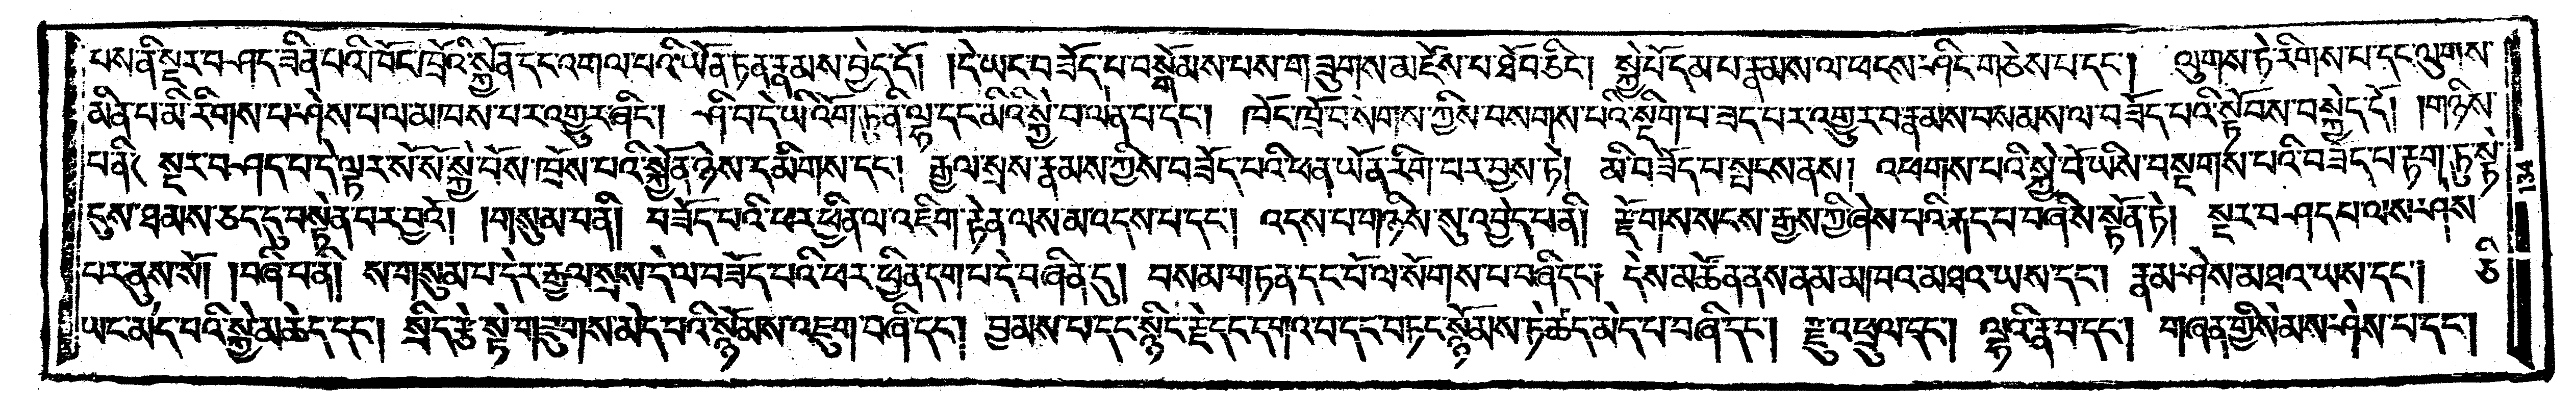པས་ནི་སྔར་བཤད་ཟིན་པའི་ཁོང་ཁྲོའི་སྐྱོན་དང་འགལ་བའི་ཡོན་ཏན་རྣམས་བྱེད་དོ། །དེ་ཡང་བཟོད་པ་བསྒོམས་པས་གཟུགས་མཛེས་པ་ཐོབ་ཅིང་། སྐྱེ་བོ་དམ་པ་རྣམས་ལ་ཕངས་ཤིང་གཅེས་པ་དང་། ལུགས་ཏེ་རིགས་པ་དང་ལུགས་
མིན་པ་མི་རིགས་པ་ཤེས་པ་ལ་མཁས་པར་འགྱུར་ཞིང་། ཤི་བ་དེ་ཡི་འོག་ཏུ་ནི་ལྷ་དང་མིའི་སྐྱེ་བ་ལེན་པ་དང་། ཁོང་ཁྲོ་བ་སོགས་ཀྱིས་བསགས་པའི་སྡིག་པ་ཟད་པར་འགྱུར་བ་རྣམས་བསམས་ལ་བཟོད་པའི་སྟོབས་བསྐྱེད་དོ། །གཉིས་
པ་ནི། སྔར་བཤད་པ་དེ་ལྟར་སོ་སོ་སྐྱེ་བོས་ཁྲོས་པའི་སྐྱོན་ཉེས་དམིགས་དང་། རྒྱལ་སྲས་རྣམས་ཀྱིས་བཟོད་པའི་ཕན་ཡོན་རིག་པར་བྱས་ཏེ། མི་བཟོད་པ་སྤངས་ནས། འཕགས་པའི་སྐྱེ་བོ་ཡིས་བསྔགས་པའི་བཟོད་པ་རྟག་ཏུ་སྟེ་
དུས་ཐམས་ཅད་དུ་བསྟེན་པར་བྱའོ། །གསུམ་པ་ནི། བཟོད་པའི་ཕར་ཕྱིན་ལ་འཇིག་རྟེན་ལས་མ་འདས་པ་དང་། འདས་པ་གཉིས་སུ་འབྱེད་པ་ནི། རྫོགས་སངས་རྒྱས་ཀྱི་ཞེས་པའི་རྐང་པ་བཞིས་སྟོན་ཏེ། སྔར་བཤད་པ་ལས་ཤེས་
པར་ནུས་སོ། །བཞི་པ་ནི། ས་གསུམ་པ་དེར་རྒྱལ་སྲས་དེ་ལ་བཟོད་པའི་ཕར་ཕྱིན་དག་པ་དེ་བཞིན་དུ། བསམ་གཏན་དང་པོ་ལ་སོགས་པ་བཞི་དང་། དེས་མཚོན་ནས་ནམ་མཁའ་མཐའ་ཡས་དང་། རྣམ་ཤེས་མཐའ་ཡས་དང་། ཅི་
ཡང་མེད་པའི་སྐྱེ་མཆེད་དང་། སྲིད་རྩེ་སྟེ་གཟུགས་མེད་པའི་སྙོམས་འཇུག་བཞི་དང་། བྱམས་པ་དང་སྙིང་རྗེ་དང་དགའ་བ་དང་བཏང་སྙོམས་ཏེ་ཚད་མེད་པ་བཞི་དང་། རྫུ་འཕྲུལ་དང་། ལྷའི་རྣ་བ་དང་། གཞན་གྱི་སེམས་ཤེས་པ་དང་།